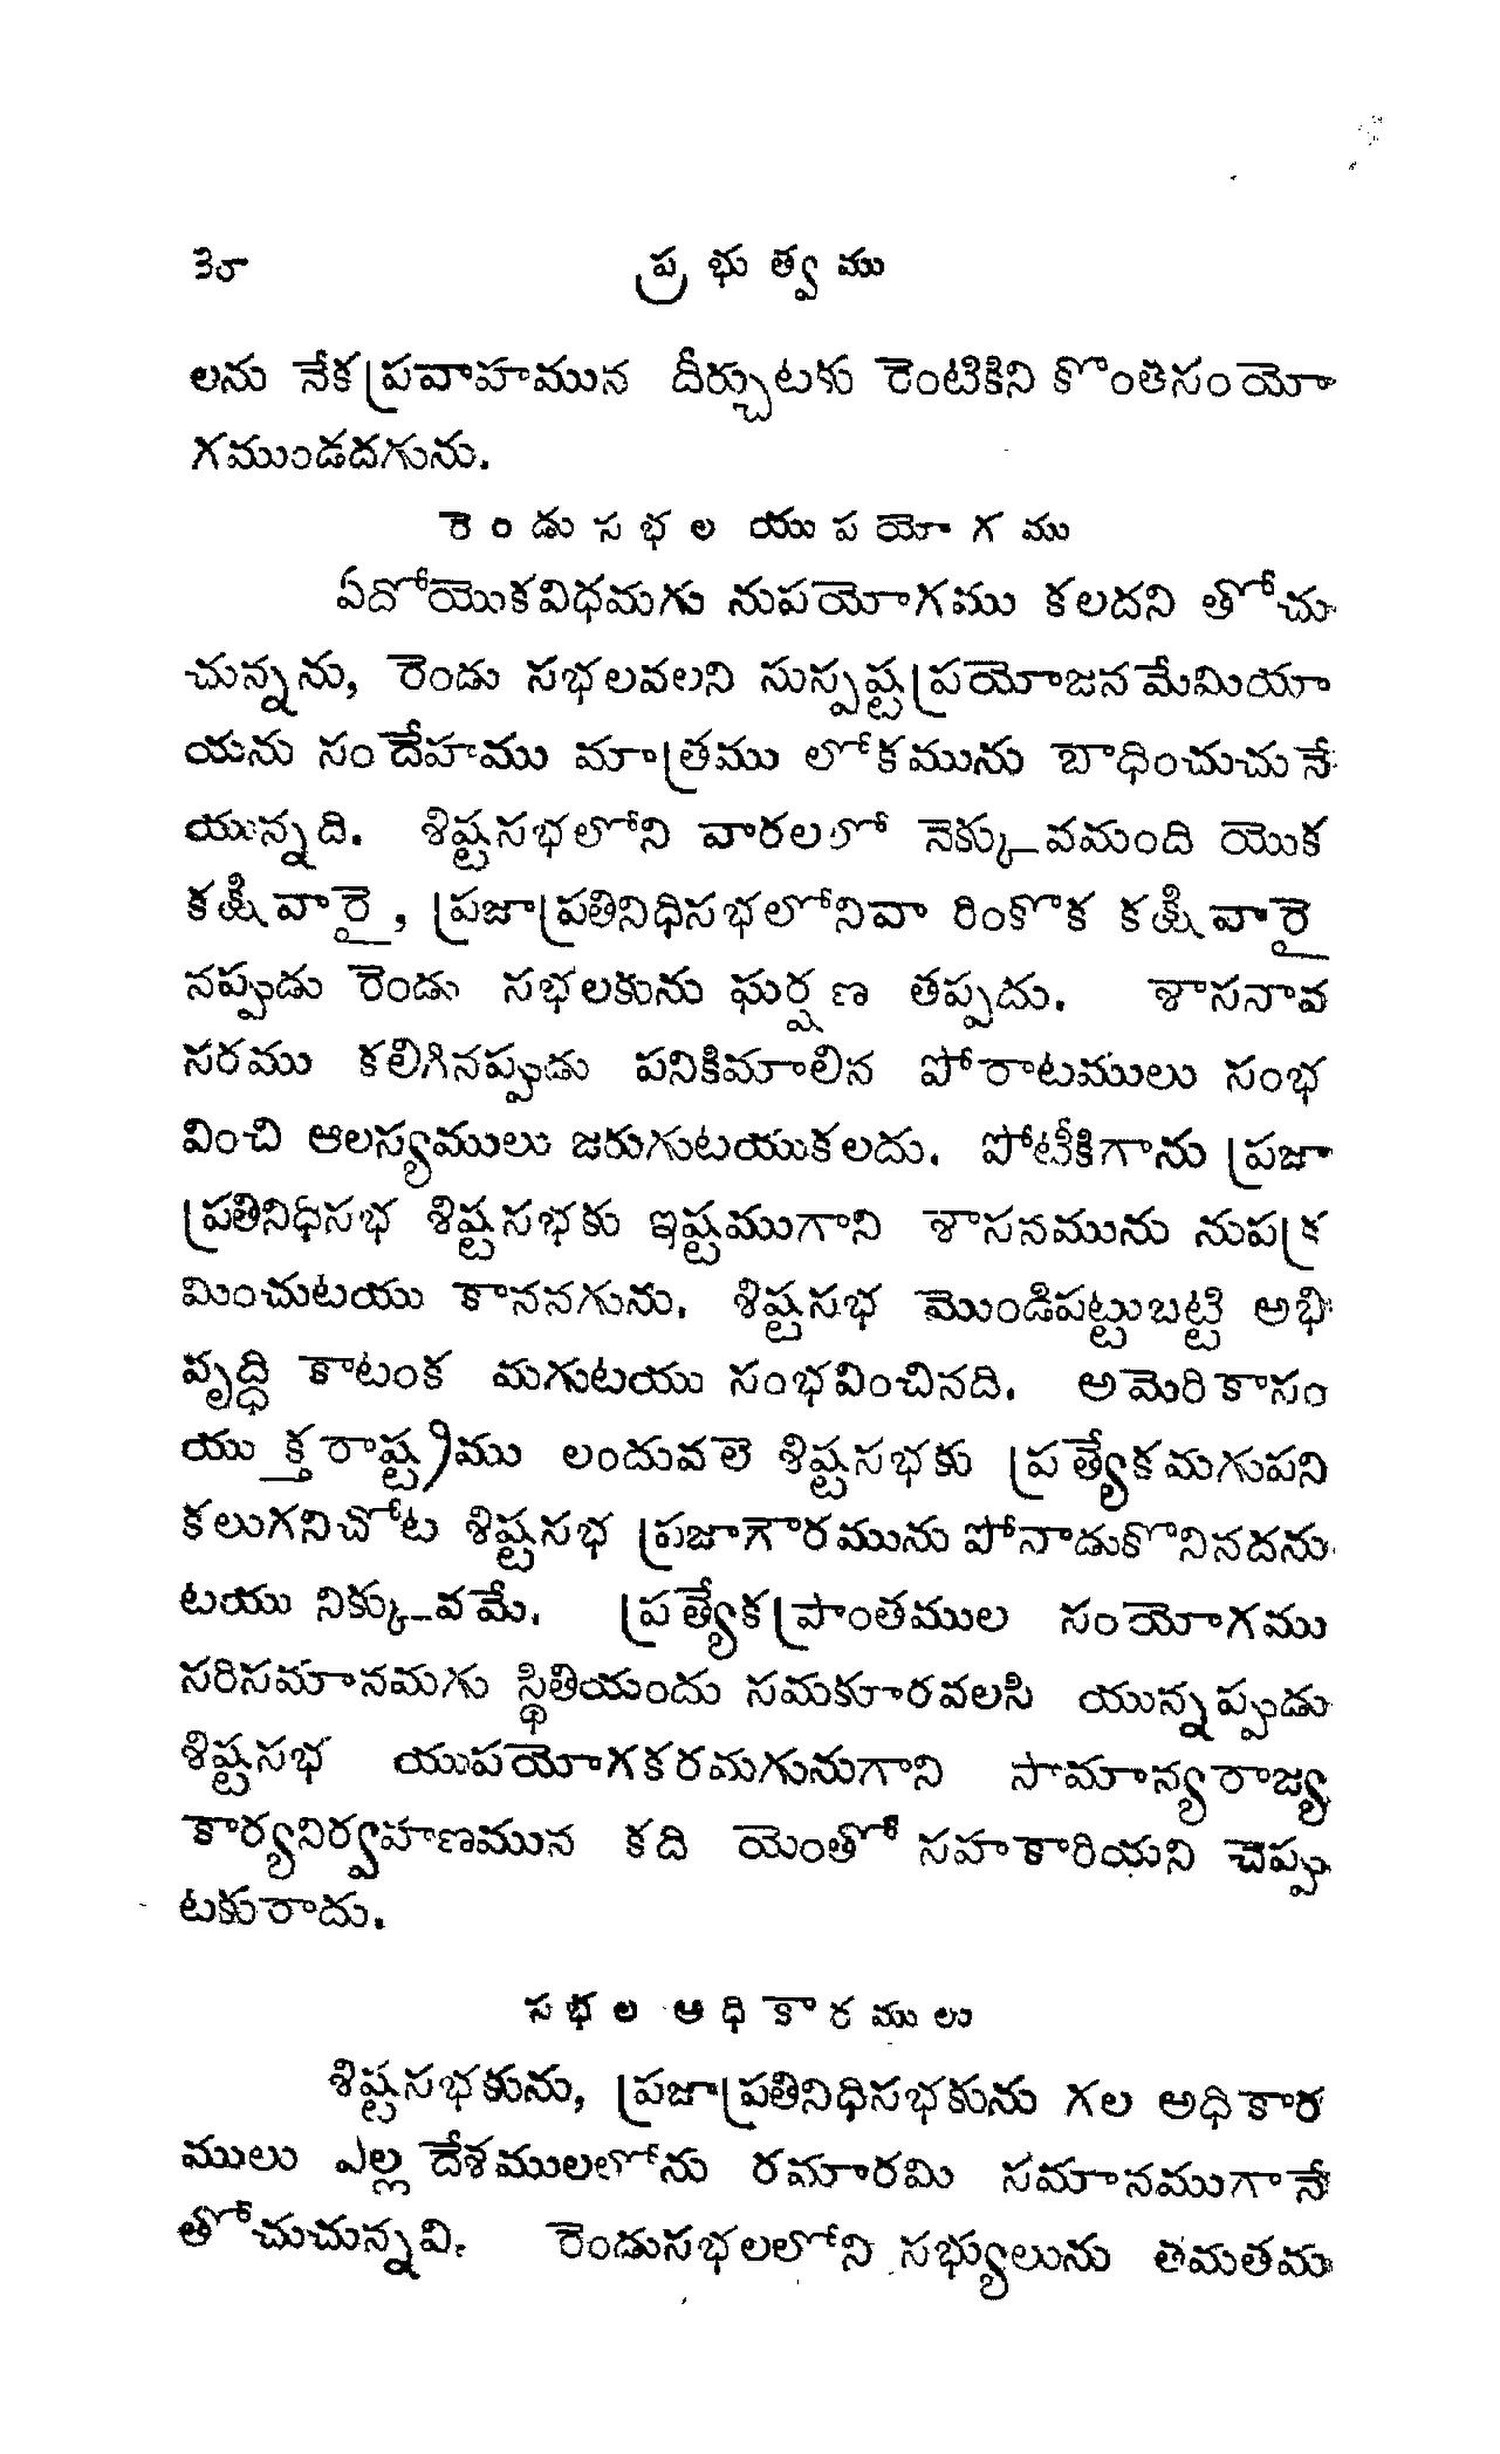లను నేకప్రవాహమున దీర్చుటకు రెంటికిని కొంతసంయోగముండదగును.

ఏదోయొకవిధమగు నుపయోగము కలదని తోచుచున్నను, రెండు సభలవలని సుస్పష్టప్రయోజన మేమియాయను సందేహము మాత్రము లోకమును బాధించుచునే యున్నది. శిష్టసభలోని వారలలో నెక్కువమంది యొక కక్షివారై , ప్రజాప్రతినిధిసభలోనివా రింకొక కక్షివారైనప్పుడు రెండు సభలకును ఘర్షణ తప్పదు. శాసనావసరము కలిగినప్పుడు పనికిమాలిన పోరాటములు సంభవించి ఆలస్యములు జరుగుటయుకలదు. పోటీకిగాను ప్రజాప్రతినిధిసభ శిష్టసభకు ఇష్టముగాని శాసనమును నుపక్రమించుటయు కాననగును. శిష్టసభ మొండిపట్టుబట్టి అభివృద్ధి కాటంక మగుటయు సంభవించినది. అమెరికాసంయుక్తరాష్ట్రము లందువలె శిష్టసభకు ప్రత్యేకమగుపని
కలుగనిచోట శిష్టసభ ప్రజాగౌరమును పోనాడుకొనినదనుటయు నిక్కువమే, ప్రత్యేకప్రాంతముల సంయోగము సరిసమానమగు స్థితియందు సమకూరవలసి యున్నప్పుడు శిష్టసభ యుపయోగకర మగునుగాని సామాన్యరాజ్య కార్యనిర్వహణమున కది యెంతో సహకారియని చెప్పుటకురాదు.

శిష్టసభకును, ప్రజాప్రతినిధిసభకును గల అధికారములు ఎల్ల దేశములలోను రమారమి సమానముగానే తోచుచున్నవి. రెండుసభలలోని సభ్యులును తమతమ